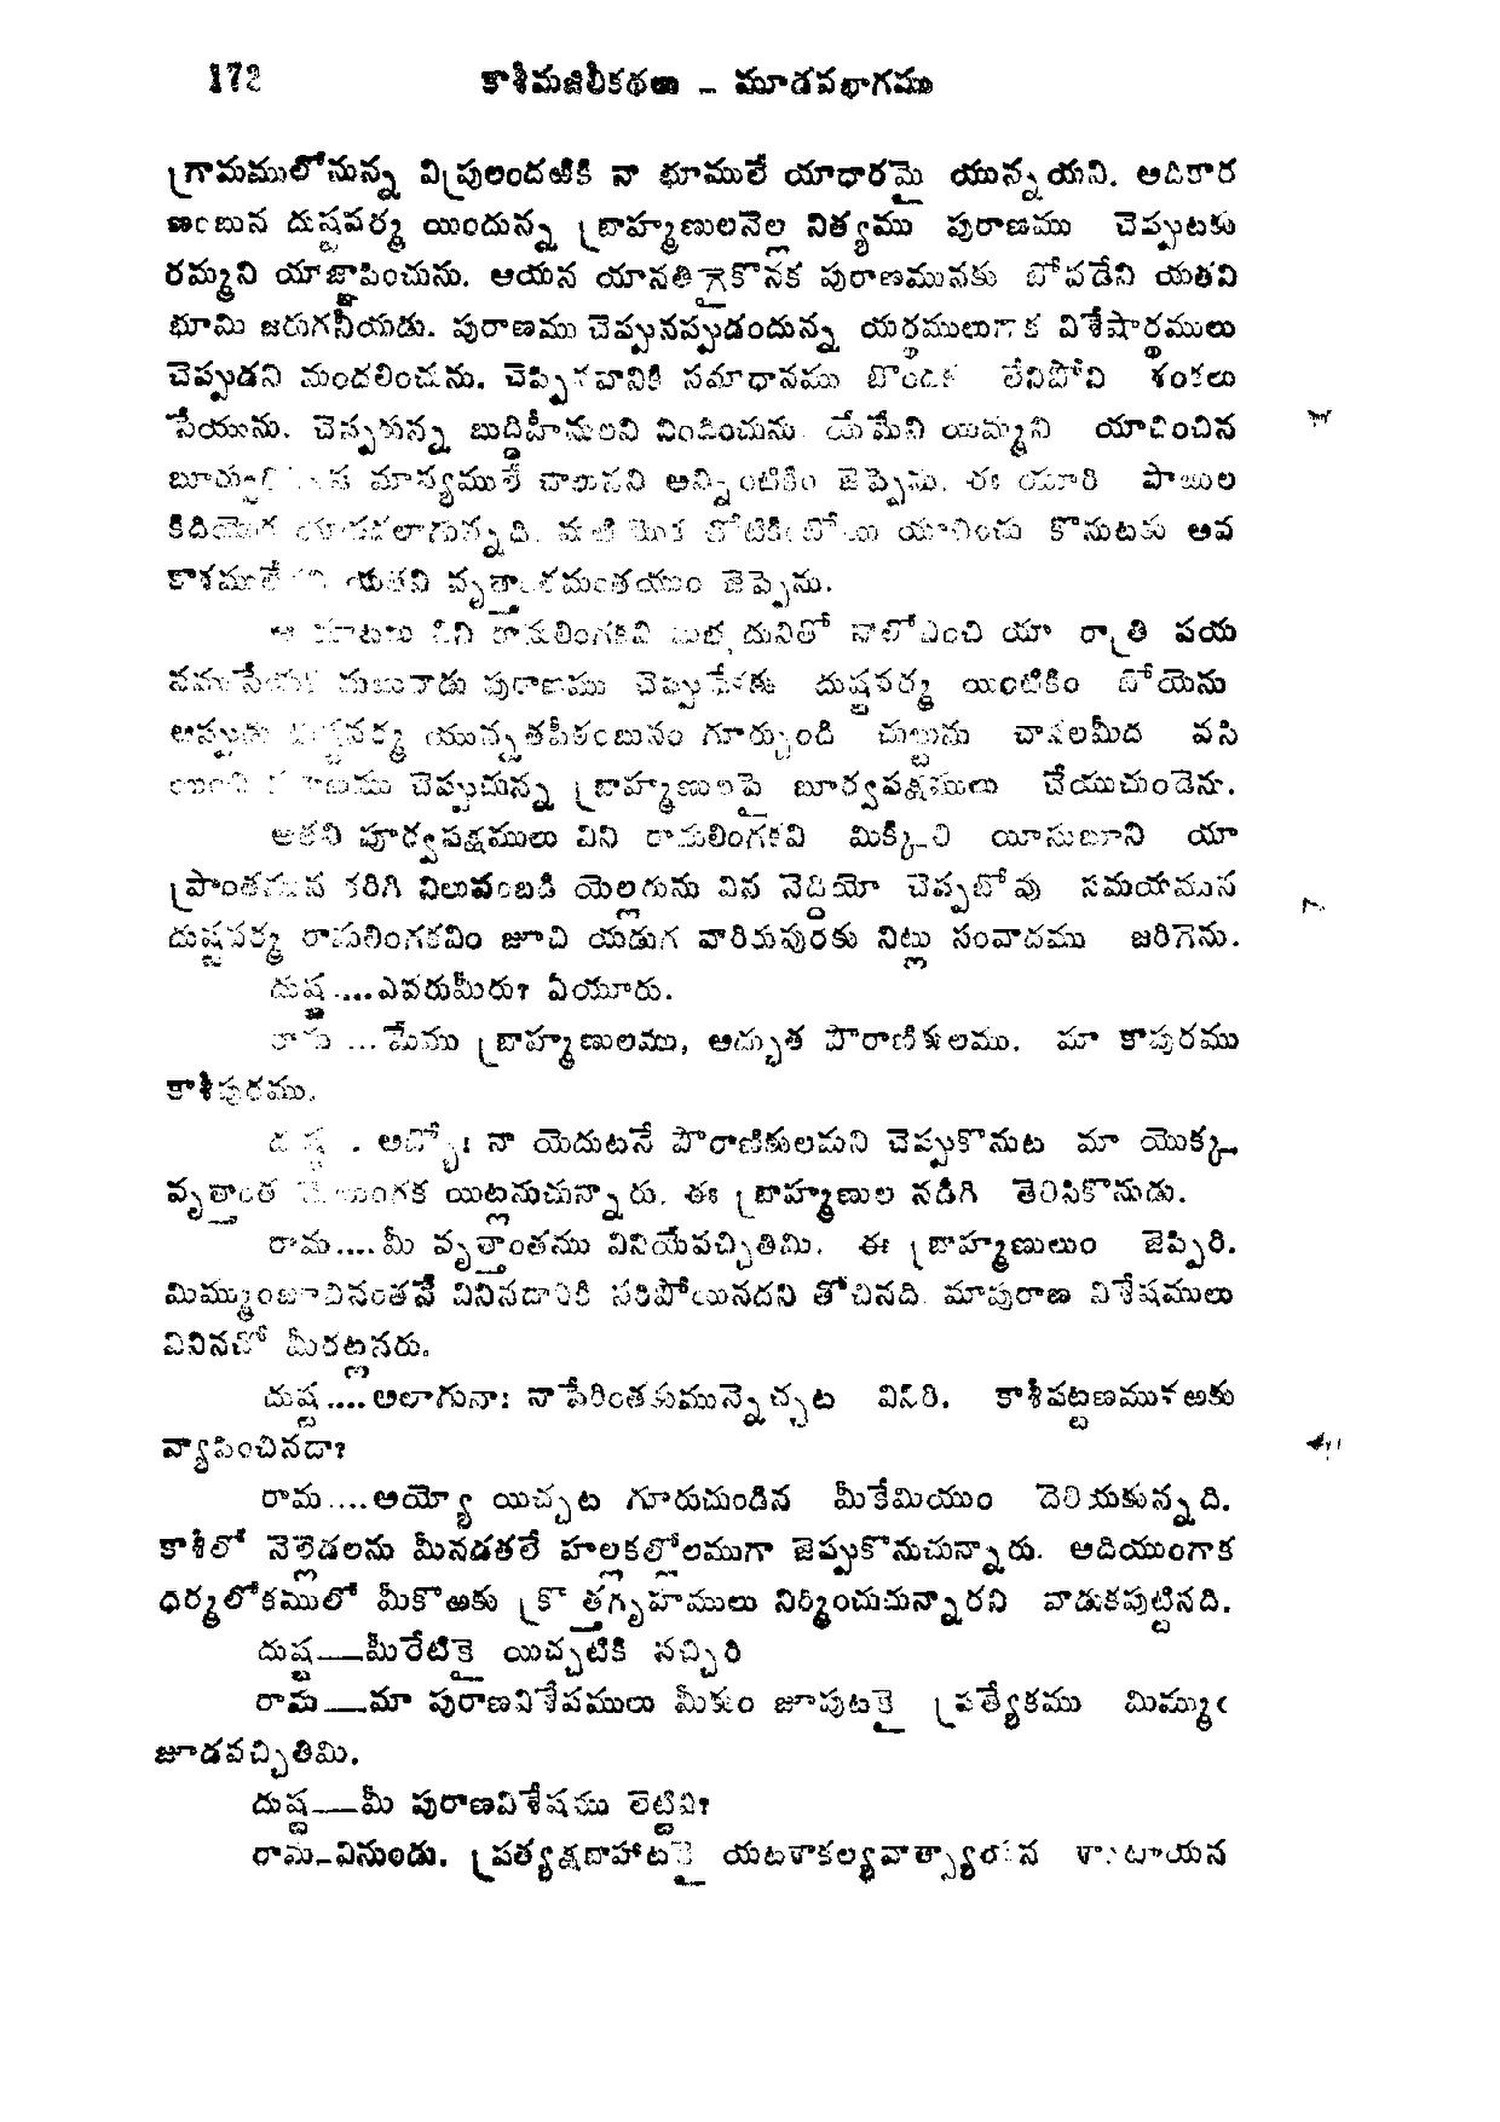గ్రామములోనున్న విప్రులందఱికి నా భూములే యాధారమై యున్నయవి. అదికారణంబున దుష్టవర్మ యిందున్న బ్రాహ్మణులనెల్ల నిత్యము పురాణము చెప్పుటకు రమ్మని యాజ్ఞాపించును. ఆయన యానతిగైకొనక పురాణమునకు బోవడేని యతని భూమి జరుగనీయడు. పురాణము చెప్పునప్పుడందున్న యర్థములుగాక విశేషార్థములు చెప్పుడని మందలించును. చెప్పినవానికి సమాధానము బొందక లేనిపోని శంకలు సేయును. చెప్పుకున్న బుద్ధిహీనులని నిందించును. యేమేని యిమ్మని యాచించిన బూర్వులిచ్చిన మాన్యములే చాలునని అన్నింటికిం జెప్పెను. ఈః యూరి పాఱుల
కిదియొక యాపదలాగున్నది. మఱియొక చోటికింబోయి యాచించుకొనుటకు అవకాశములేదని యతని వృత్తాంతమంతయుం జెప్పెను.

ఆ మాటలు విని రామలింగకవి సుభద్రునితో నాలోచించి యా రాత్రి పయనముసేయక మఱునాడు పురాణము చెప్పువేళకు దుష్టవర్మ యింటికిం బోయెను అప్పుడు దుష్టవర్మ యున్నతపీఠంబునం
గూర్చుండి చుట్టును చాపలమీద వసియించి బ్రమాణము చెప్పుచున్న బ్రాహ్మణులపై బూర్వపక్షములు చేయుచుండెను.

అతని పూర్వపక్షములు విని రామలింగకవి మిక్కిలి యీసుబూని యా ప్రాంతమున కరిగి నిలువంబడి యెల్లరును విన నెద్దియో చెప్పబోవు సమయమున దుష్టవర్మ రామలింగకవిం జూచి యడుగ వారిరువురకు నిట్లు సంవాదము జరిగెను.

దుష్ట - ఎవరుమీరు? ఏయూరు.

రామ - మేము బ్రాహ్మణులము, అద్భుత పౌరాణికులము. మా కాపురము కాశీపురము.

దుష్ట - అచ్చో! నా యెదుటనే పౌరాణికులమని చెప్పుకొనుట మా యొక్క వృత్తాంత మెఱుంగక యిట్లనుచున్నారు. ఈ బ్రాహ్మణుల నడిగి తెలిసికొనుడు.

రామ - మీ వృత్తాంతము వినియేవచ్చితిమి. ఈ బ్రాహ్మణులుం జెప్పిరి. మిమ్ముంజూచినంతనే వినినదానికి సరిపోయినదని తోచినది. మాపురాణ విశేషములు వినినచో మీరట్లనరు.

దుష్ట - అలాగునా! నాపే రింతకుము న్నెచ్చట వినిరి. కాశీపట్టణమువఱకు వ్యాపించినదా?

రామ - అయ్యో యిచ్చట గూరుచుండిన మీకేమియుం దెలియకున్నది. కాశీలో నెల్లెడలను మీనడతలే హల్లకల్లోలముగా జెప్పుకొనుచున్నారు. అదియుంగాక ధర్మలోకములో మీకొఱకు క్రొత్తగృహములు నిర్మించుచున్నారని వాడుకపుట్టినది.

దుష్ట - మీరేటికై యిచ్చటికి వచ్చిరి.

రామ - మా పురాణవిశేషములు మీకుం జూపుటకై ప్రత్యేకము మిమ్ముఁ జూడవచ్చితిమి.

దుష్ట - మీ పురాణవిశేషము లెట్టివి?

రామ - వినుండు. ప్రత్యక్షబాహాటకై యటశాకల్యవాత్స్యాయన శాకటాయన